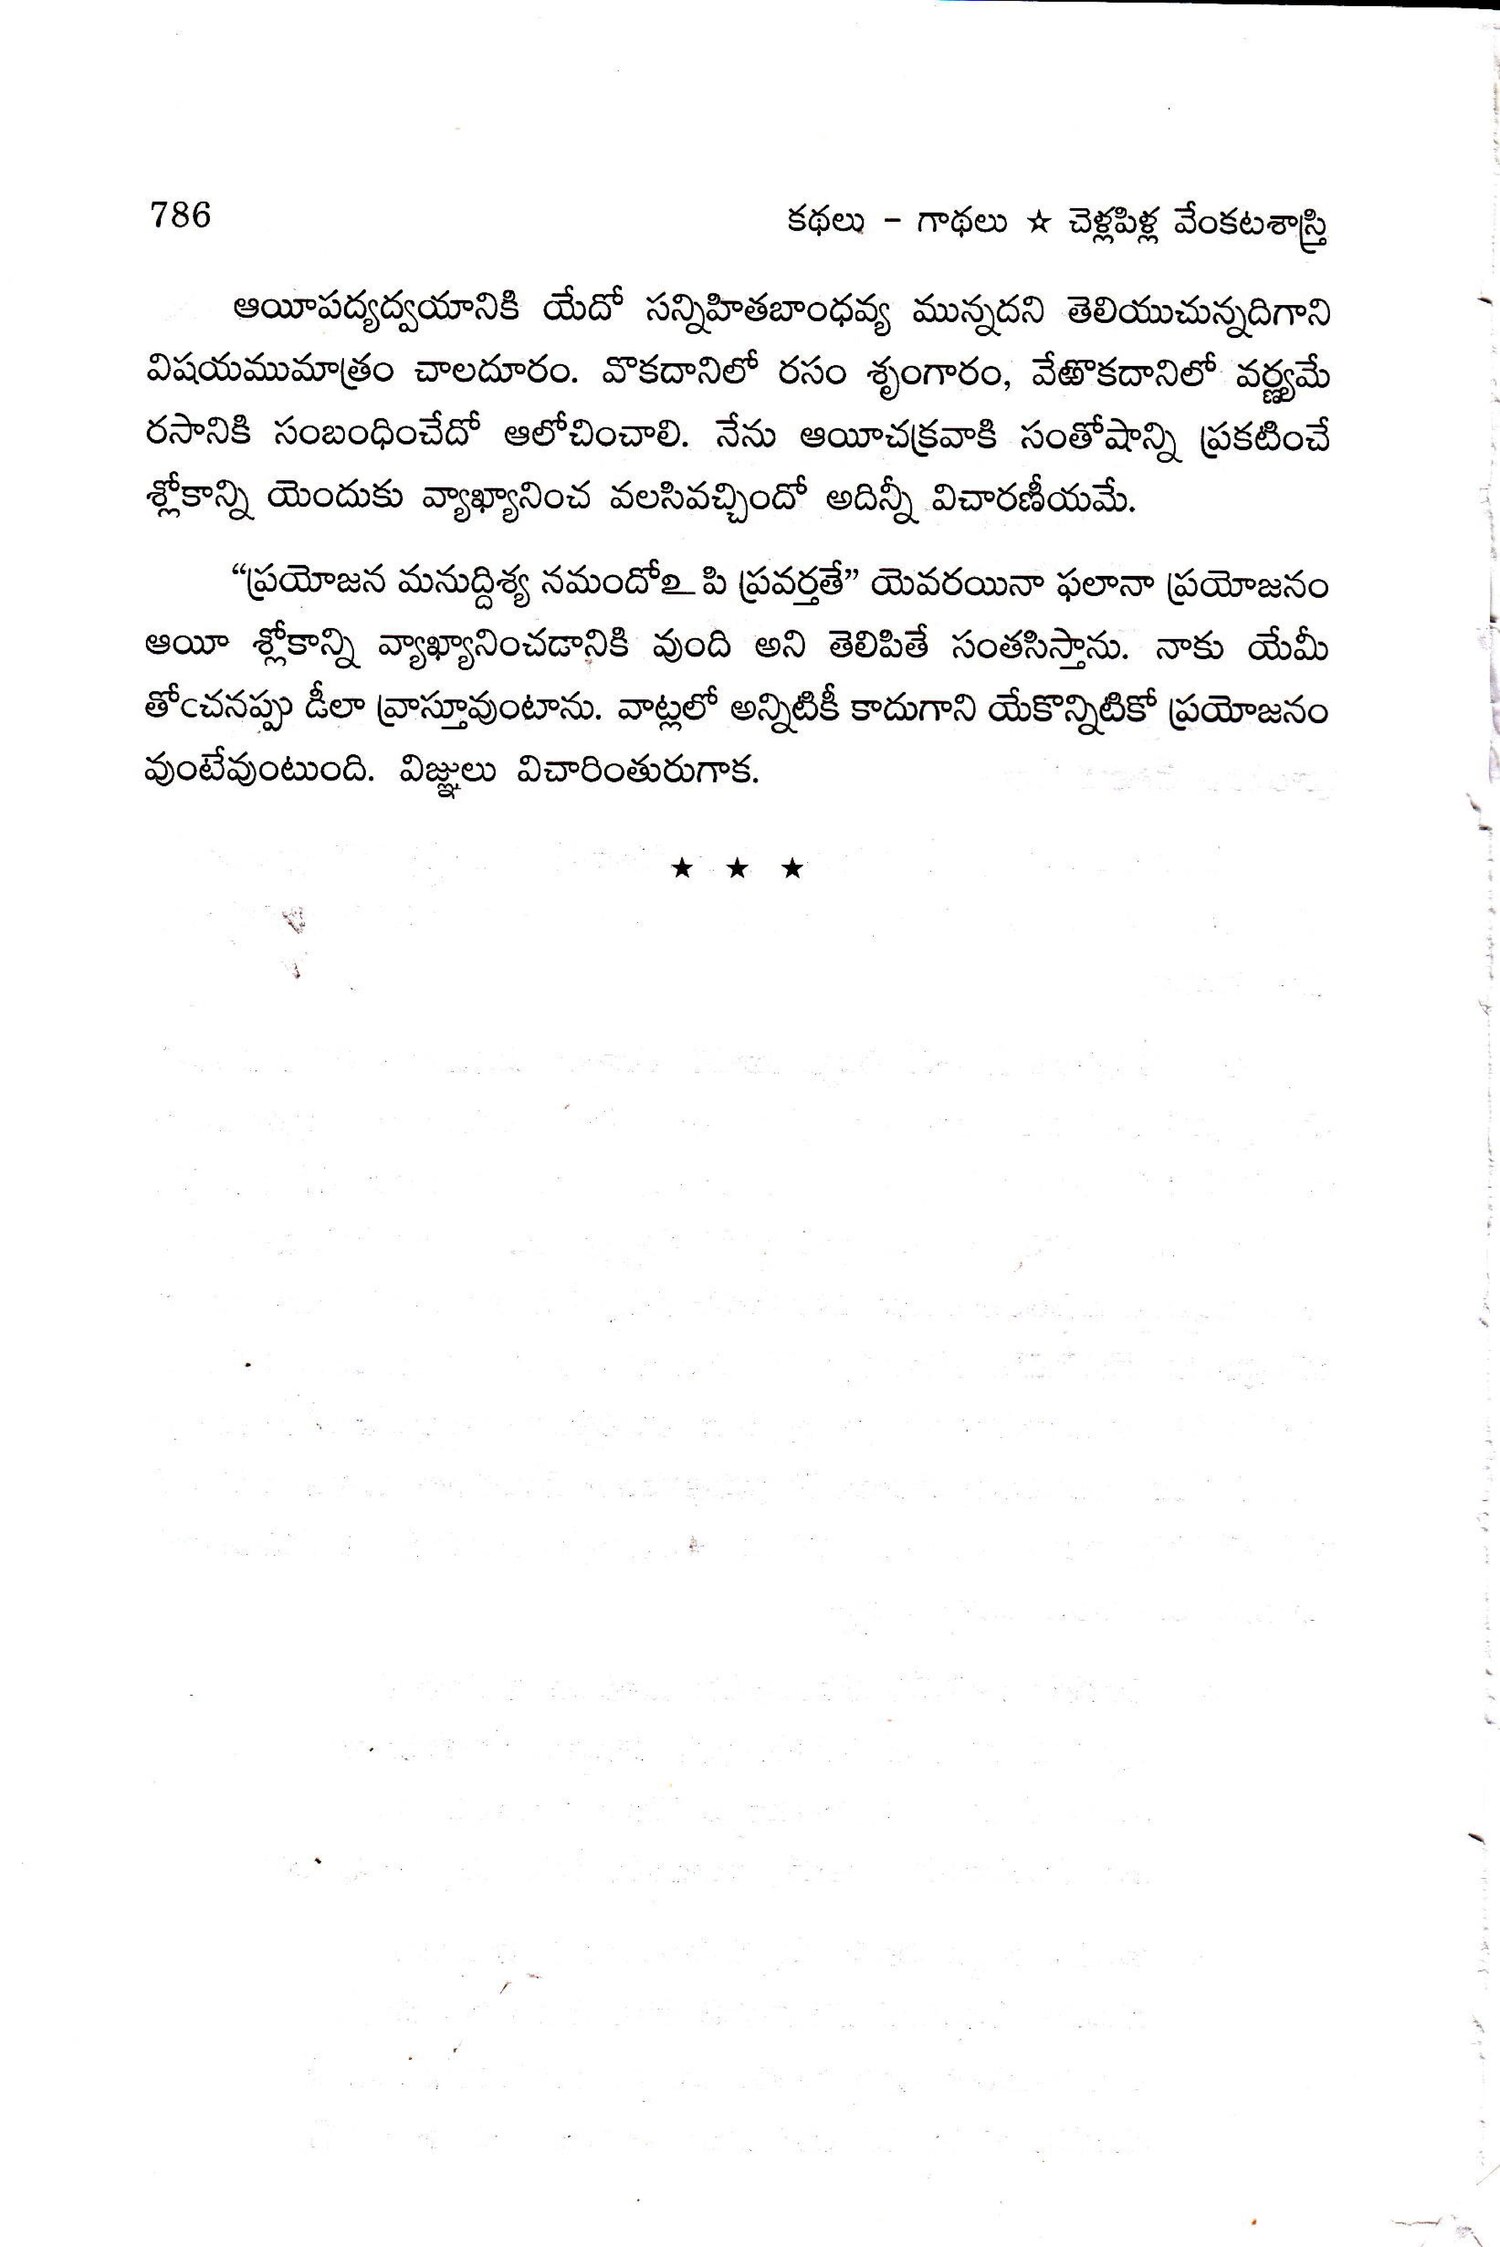ఆయీపద్యద్వయానికి యేదో సన్నిహితబాంధవ్య మున్నదని తెలియుచున్నదిగాని విషయముమాత్రం చాలదూరం. వొకదానిలో రసం శృంగారం, వేఱొకదానిలో వర్ణ్యమే రసానికి సంబంధించేదో ఆలోచించాలి. నేను ఆయీచక్రవాకి సంతోషాన్ని ప్రకటించే శ్లోకాన్ని యెందుకు వ్యాఖ్యానించ వలసివచ్చిందో అదిన్నీ విచారణీయమే.

“ప్రయోజన మనుద్దిశ్య నమందో౽పి ప్రవర్తతే" యెవరయినా ఫలానా ప్రయోజనం ఆయీ శ్లోకాన్ని వ్యాఖ్యానించడానికి వుంది అని తెలిపితే సంతసిస్తాను. నాకు యేమీ తోcచనప్పు డీలా వ్రాస్తూవుంటాను. వాట్లలో అన్నిటికీ కాదుగాని యేకొన్నిటికో ప్రయోజనం వుంటేవుంటుంది. విజ్ఞులు విచారింతురుగాక.